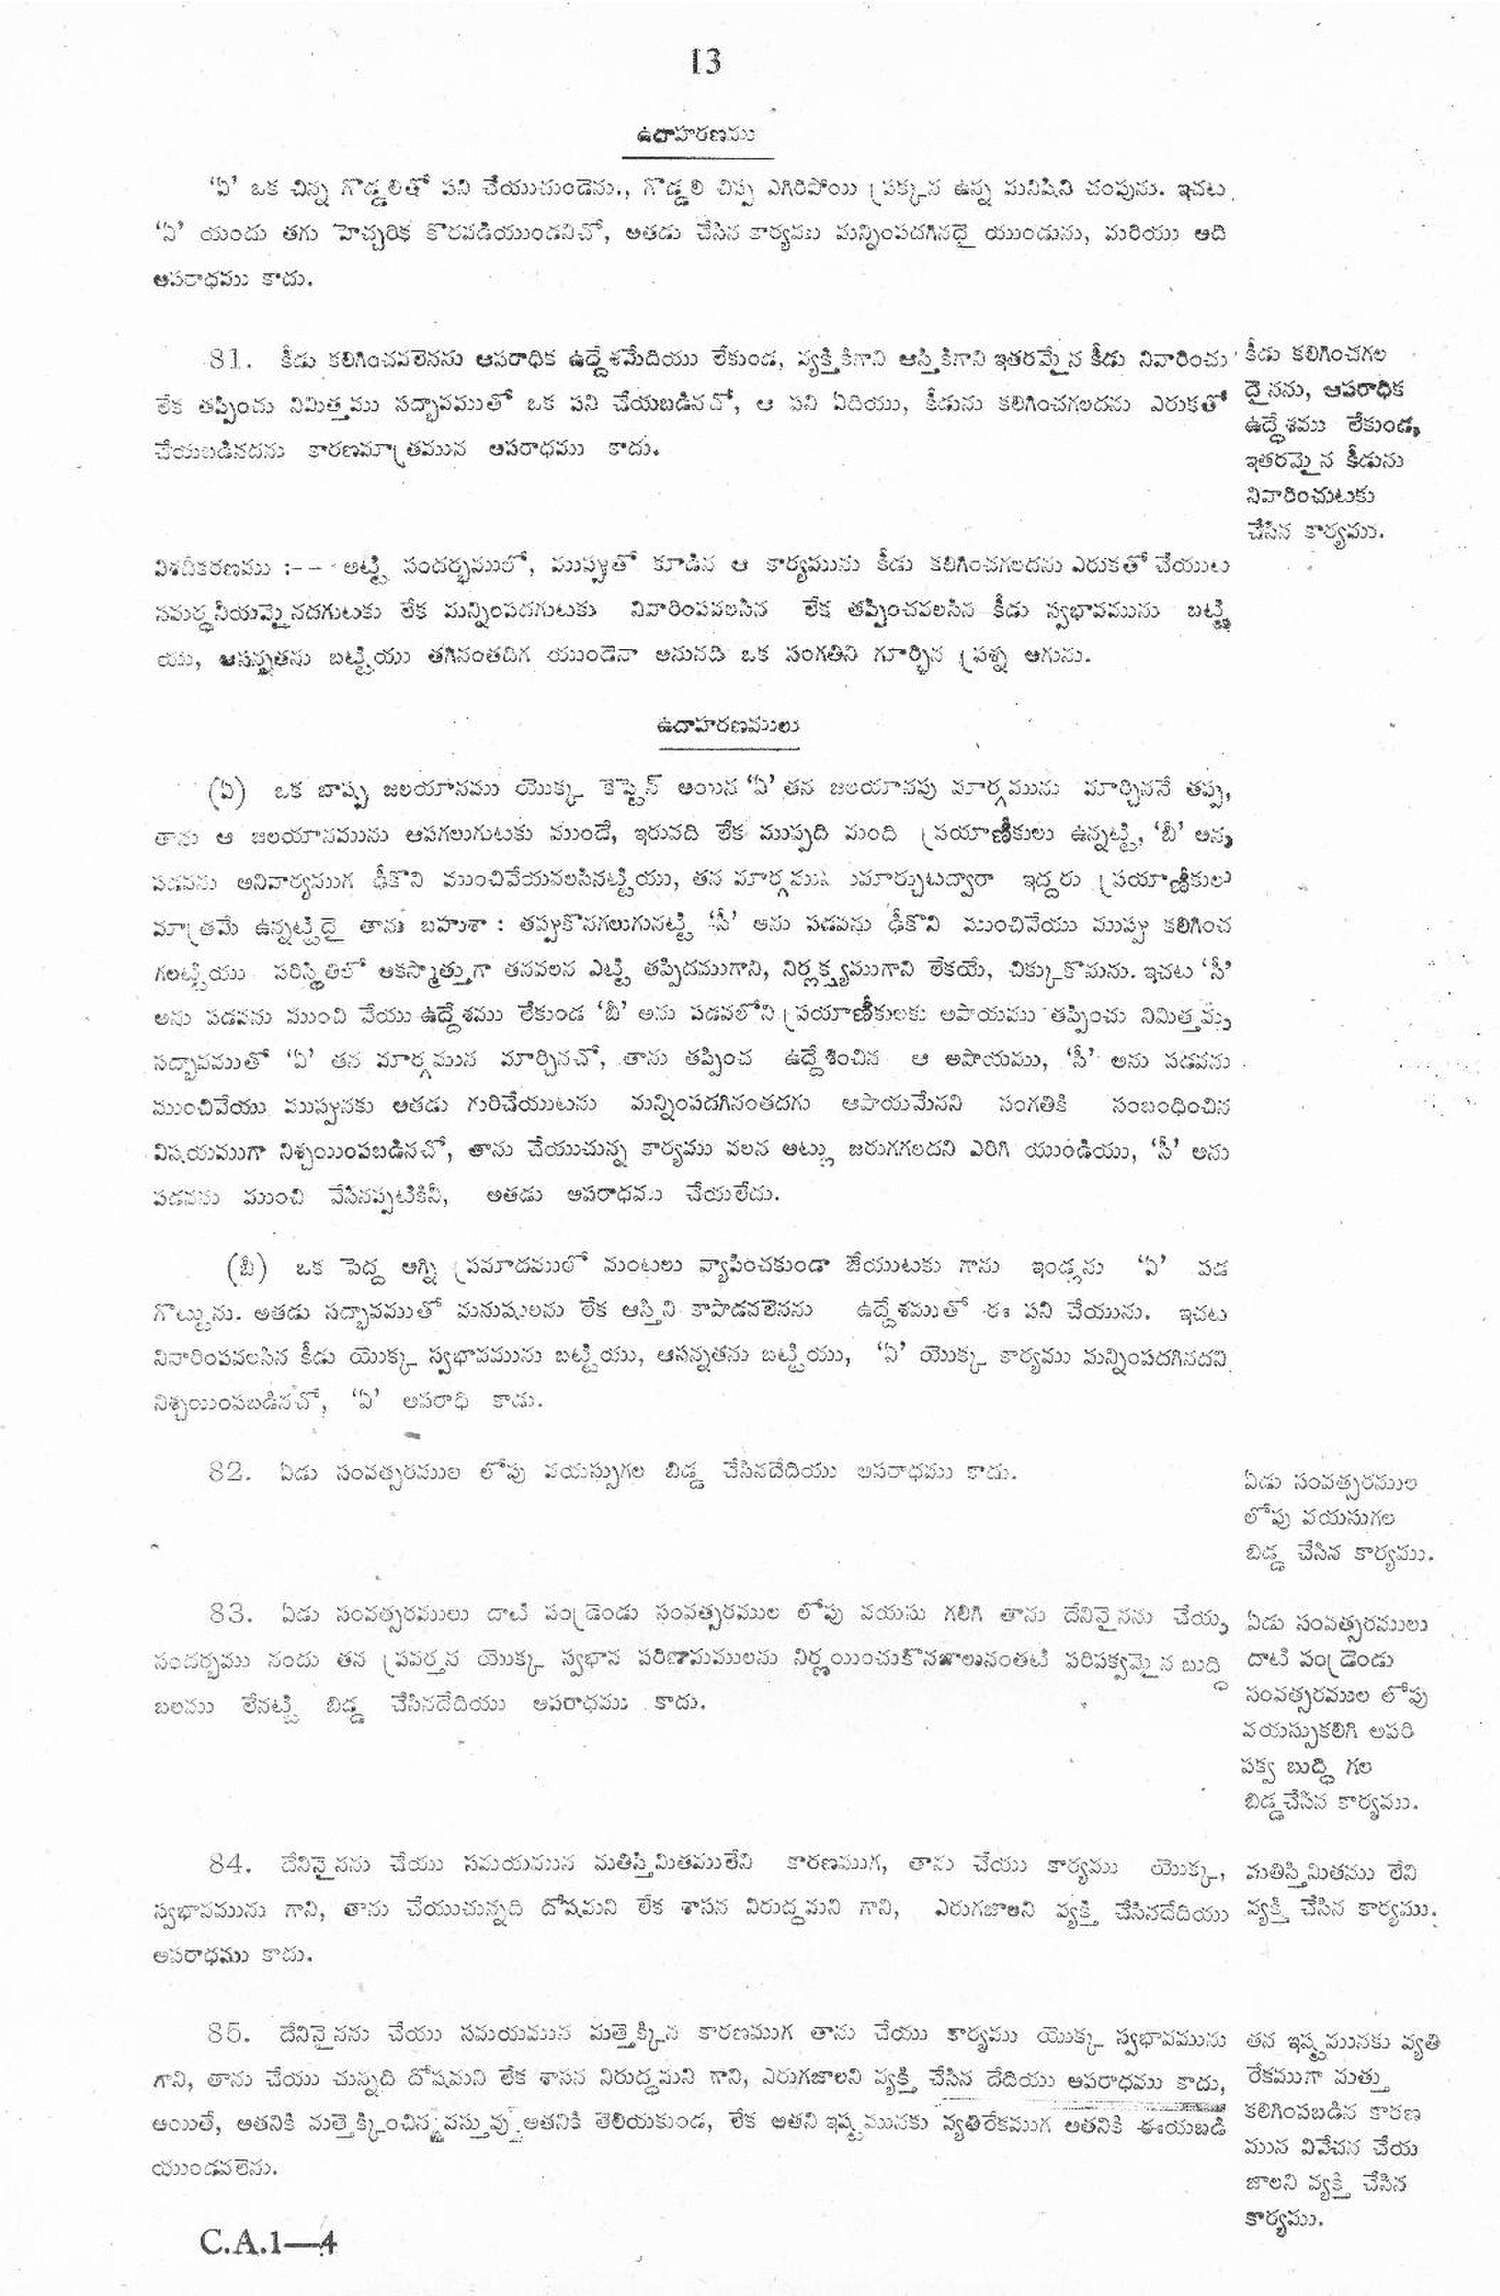'ఏ' ఒక చిన్న గొడ్డలితో పని చేయుచుండెను., గొడ్డలి చిప్ప ఎగిరిపోయి పక్కన ఉన్న మనిషిని చంపును. ఇచట
'ఏ' యందు తగు హెచ్చరిక కొరవడియుండనిచో, అతడు చేసిన కార్యము మన్నింపదగినదై యుండును, మరియు ఆది అపరాధము కాదు.

కీడు కలిగించగల దైనను, అపరాధిక ఉద్దేశము లేకుండ, ఇతరమైన కీడును నివారించుటకు చేసిన కార్యము.

31. కీడు కలిగించవలెనను అపరాధిక ఉద్దేశమేదియు లేకుండ, వ్యక్తికి గాని ఆస్తికిగాని ఇతరమైన కీడు నివారించు 
లేక తప్పించు నిమిత్తము సద్భావముతో ఒక పని చేయబడినచో, ఆ పని ఏదియు, కీడును కలిగించగలదను ఎరుకతో 
చేయబడినదను కారణమాత్రమున అపరాధము కాదు.

విశదీకరణము :- - - అట్టి సందర్భములో, ముప్పుతో కూడిన ఆ కార్యమును కీడు కలిగించగలదను ఎరుకతో చేయుట
సమర్థనీయమై నదగుటకు లేక మన్నింపదగుటకు నివారింపవలసిన లేక తప్పించవలసిన కీడు స్వభావమును బట్టి
యు, ఆసనృతను బట్టియు తగినంతదిగ యుండెనా అనునది ఒక సంగతిని గూర్చిన ప్రశ్న ఆగును.

(ఏ) ఒక బాష్ప జలయానము యొక్క కెప్టెన్ అంగన 'ఏ' తన జలయానపు మార్గమును మార్చిననే తప్ప, తాను ఆ జలయానమును ఆపగలుగుటకు ముందే, ఇరువది లేక ముప్పది మంది ప్రయాణీకులు ఉన్నట్టి, 'బీ' అన్న పడవను అనివార్యముగ ఢీకొని ముంచివేయవలసినట్టియు, తన మార్గము మార్చుటద్వారా ఇద్దరు ప్రయాణీకులు మాత్రమే ఉన్నట్టిదై తాను బహుశా : తప్పుకొనగలుగునట్టి 'సీ' అను పడవను ఢీకొని ముంచివేయు ముప్పు కలిగించగలట్టియు పరిస్థితిలో అకస్మాత్తుగా తనవలన ఎట్టి తప్పిదముగాని, నిర్లక్ష్యముగాని లేకయే, చిక్కుకొనును. ఇచట 'సీ' లను పడవను ముంచి వేయు ఉద్దేశము లేకుండ 'బీ' అను పడవలోని ప్రయాణీకులకు అపాయము తప్పించు నిమిత్తము
సద్భావముతో 'ఏ' తన మార్గమున మార్చినచో, తాను తప్పించ ఉద్దేశించిన ఆ అపాయము, 'సీ' అను పడవను
ముంచివేయు ముప్పునకు అతడు గురిచేయుటను మన్నింపదగినంతదగు ఆపాయమేనని సంగతికి సంబంధించిన
విషయముగా నిశ్చయింపబడినచో, తాను చేయుచున్న కార్యము వలన ఆట్లు జరుగగలదని ఎరిగి యుండియు, 'సీ' అను పడవను ముంచి వేసినప్పటికినీ, అతడు అపరాధము చేయలేదు.

(బీ) ఒక పెద్ద అగ్ని ప్రమాదములో మంటలు వ్యాపించకుండా చేయుటకు గాను ఇండ్లను 'ఏ' పడగొట్టును. అతడు సద్భావముతో మనుషులను లేక ఆస్తిని కాపాడవలెనను ఉద్దేశముతో ఈ పని చేయును. ఇచట నివారింపవలసిన కీడు యొక్క స్వభావమును బట్టియు, ఆసన్నతను బట్టియు, 'ఏ' యొక్క కార్యము మన్నింపదగినదని నిశ్చయింపబడినచో, ఏ అపరాది కాడు.

ఏడు సంవత్సరముల లోపు వయసుగల బిడ్డ చేసిన కార్యము.

82. ఏడు సంవత్సరముల లోపు వయస్సుగల బిడ్డ చేసినదేదియు అపరాధము కాదు.

ఏడు సంవత్సరములు దాటి పండ్రెండు సంవత్సరముల లోపు వయస్సుకలిగి అపరిపక్వ బుద్ధి గల బిడ్డ చేసిన కార్యము.

83. ఏడు సంవత్సరములు దాటి పండ్రెండు సంవత్సరముల లోపు వయసు గలిగి తాను దేనినై నను చేయ సందర్భము నందు తన ప్రవర్తన యొక్క స్వభావ పరిణామములను నిర్ణయించుకొనజాలునంతటి పరిపక్వమైన బుద్ది బలము లేనట్టి బిడ్డ చేసినదేదియు అపరాధము కాదు.

మతిస్తిమితములేని వ్యక్తి చేసిన కార్యము
 
84. దేనినైనను చేయు సమయమున మతిస్తిమితములేని కారణముగ, తాను చేయు కార్యము యొక్క, స్వభావమును గాని, తాను చేయుచున్నది దోషమని లేక శాసన విరుద్ధమని గాని, ఎరుగజాలని వ్యక్తి చేసినదేదియు అపరాధము కాదు.

తన ఇష్టమునకు వ్యతిరేకముగా మత్తు కలిగింపబడిన కారణమున వివేచన చేయజాలని వ్యక్తి చేసిన కార్యము.

85. దేనినైనను చేయు సమయమున మత్తెక్కిన కారణముగ తాను చేయు కార్యము యొక్క స్వభావమును గాని, తాను చేయు చున్నది దోషమని లేక శాసన విరుద్ధమని గాని, ఎరుగజాలని వ్యక్తి చేసిన దేదియు అపరాధము కాదు, అయితే, అతనికి మత్తెక్కించిన వస్తువు అతనికి తెలియకుండ, లేక అతని ఇష్టమునకు వ్యతిరేకముగ అతనికి ఈయబడి
యుండవలెను.